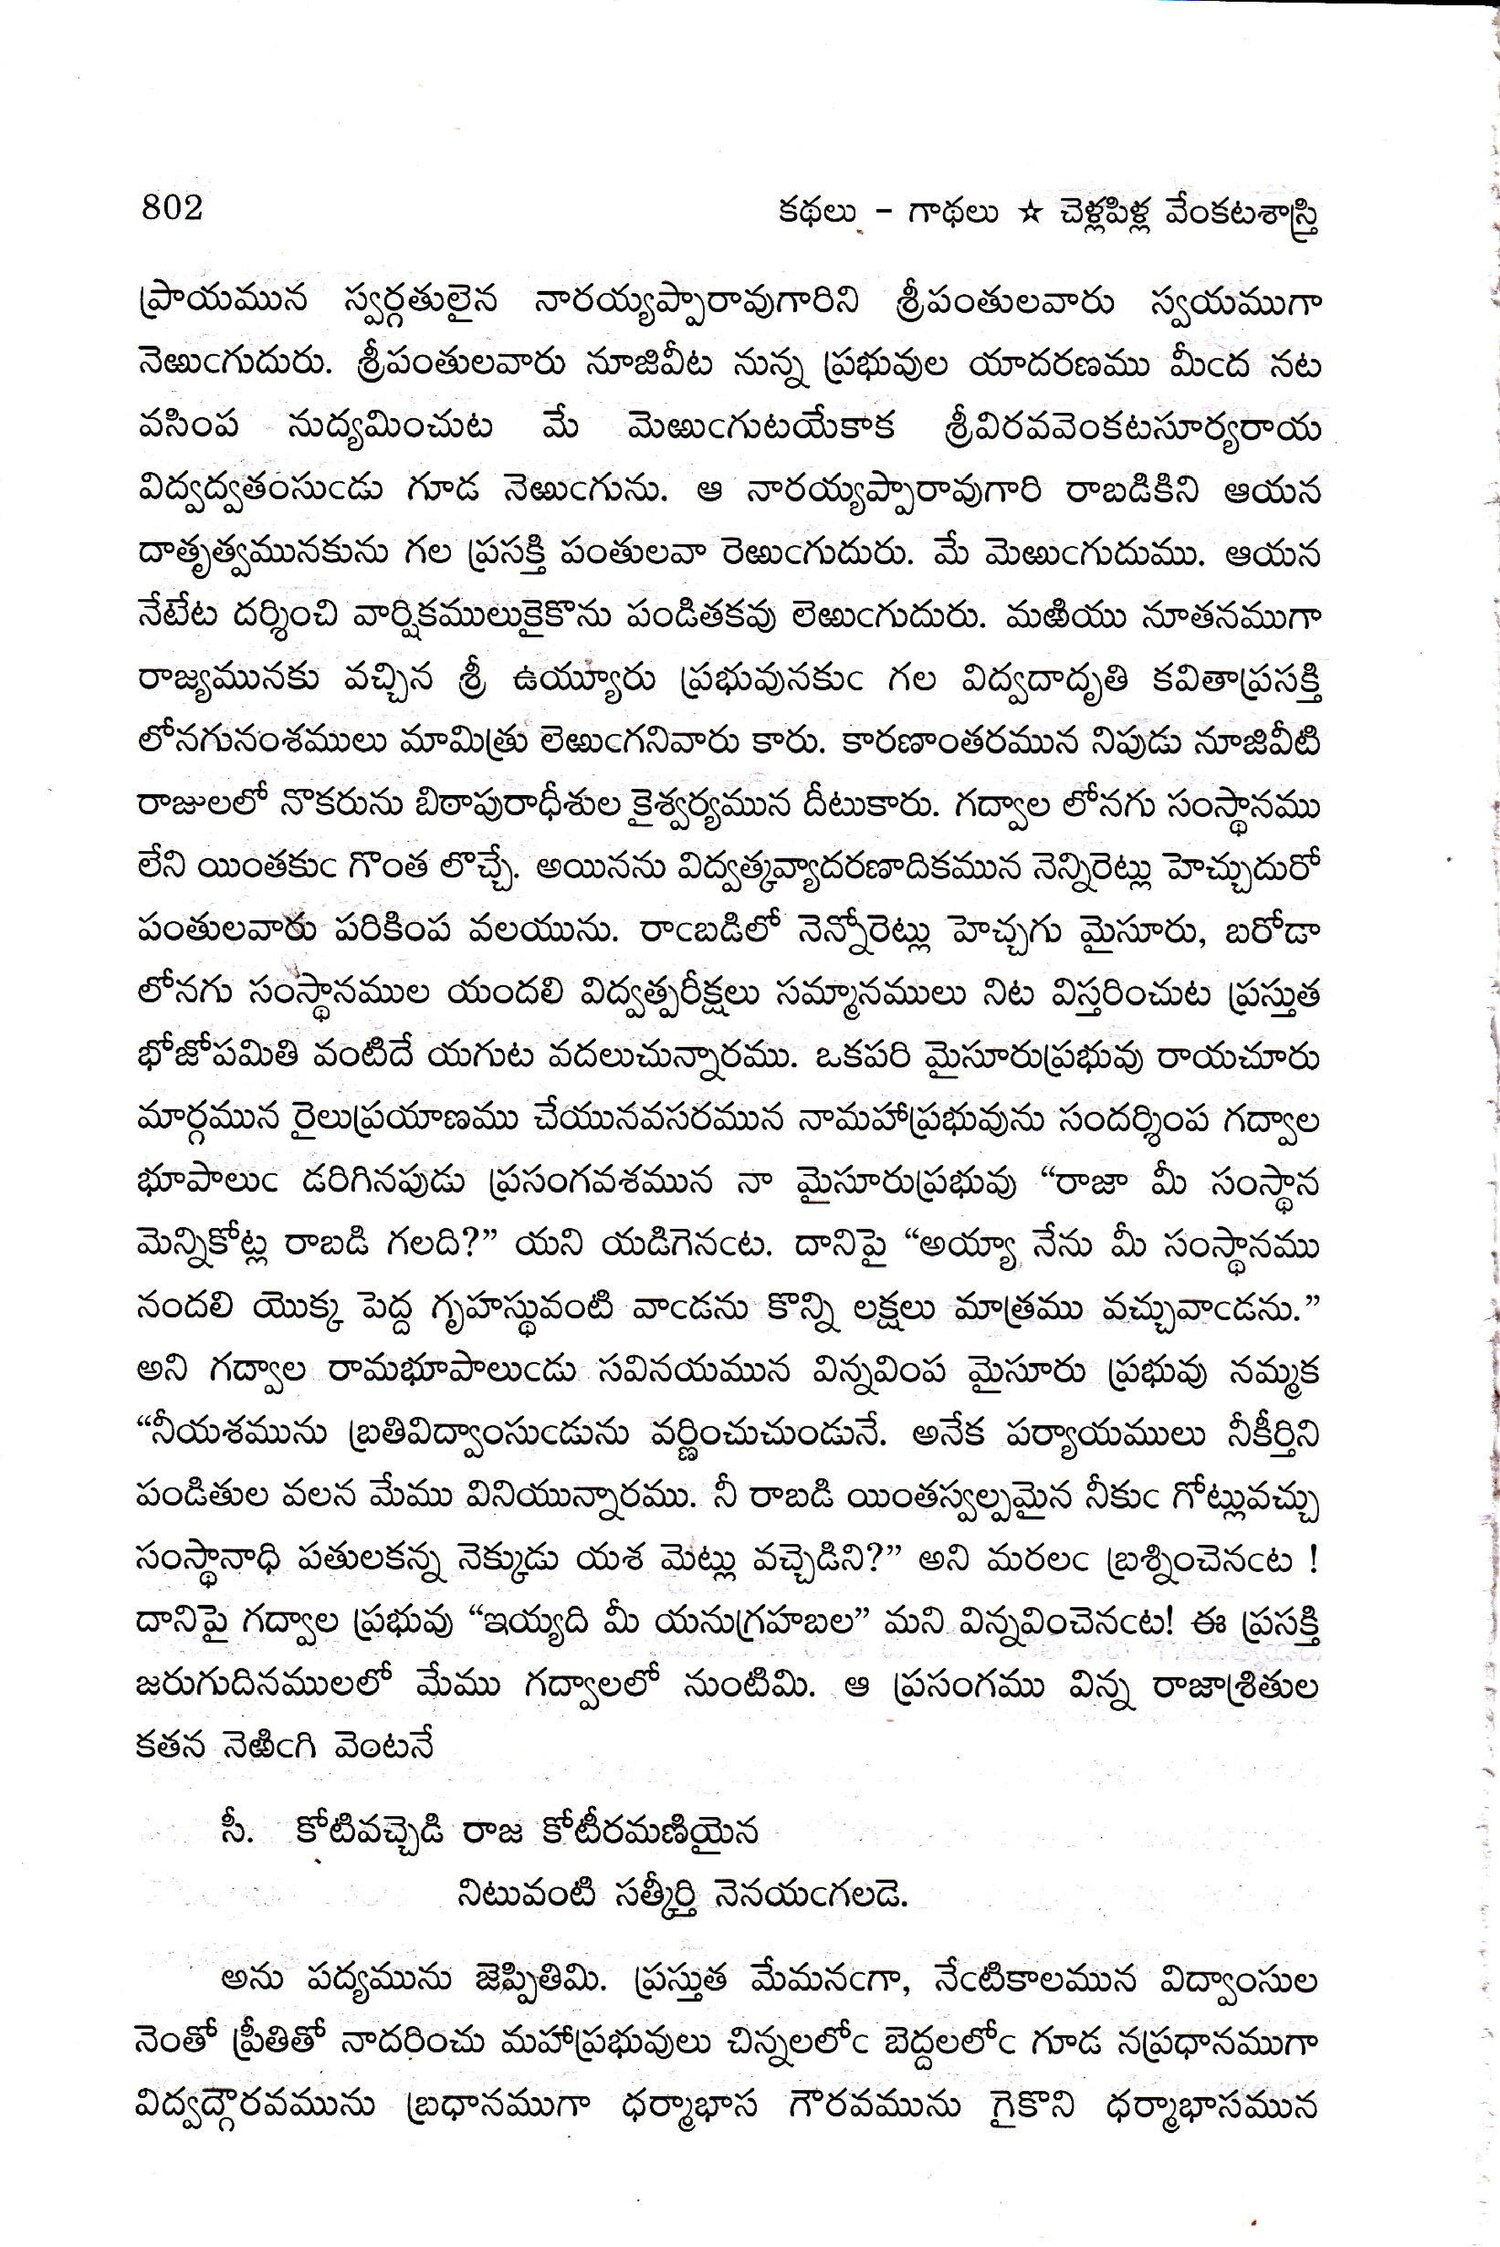ప్రాయమున స్వర్గతులైన నారయ్యప్పారావుగారిని శ్రీపంతులవారు స్వయముగా నెఱుఁగుదురు. శ్రీపంతులవారు నూజివీట నున్న ప్రభువుల యాదరణము మీఁద నట వసింప నుద్యమించుట మే మెఱుఁగుటయేకాక శ్రీవిరవవెంకటసూర్యరాయ విద్వద్వతంసుఁడు గూడ నెఱుఁగును. ఆ నారయ్యప్పారావుగారి రాబడికిని ఆయన దాతృత్వమునకును గల ప్రసక్తి పంతులవా రెఱుఁగుదురు. మే మెఱుఁగుదుము. ఆయన నేటేట దర్శించి వార్షికములుకైకొను పండితకవు లెఱుఁగుదురు. మఱియు నూతనముగా రాజ్యమునకు వచ్చిన శ్రీ ఉయ్యూరు ప్రభువునకుఁ గల విద్వదాదృతి కవితాప్రసక్తి లోనగునంశములు మామిత్రు లెఱుఁగనివారు కారు. కారణాంతరమున నిపుడు నూజివీటి రాజులలో నొకరును బిఠాపురాధీశుల కైశ్వర్యమున దీటుకారు. గద్వాల లోనగు సంస్థానము లేని యింతకుఁ గొంత లొచ్చే అయినను విద్వత్కవ్యాదరణాదికమున నెన్నిరెట్లు హెచ్చదురో పంతులవారు పరికింప వలయును. రాఁబడిలో నెన్నోరెట్లు హెచ్చగు మైసూరు, బరోడా లోనగు సంస్థానముల యందలి విద్వత్పరీక్షలు సమ్మానములు నిట విస్తరించుట ప్రస్తుత భోజోపమితి వంటిదే యగుట వదలుచున్నారము. ఒకపరి మైసూరుప్రభువు రాయచూరు మార్గమున రైలుప్రయాణము చేయునవసరమున నామహాప్రభువును సందర్శింప గద్వాల భూపాలుఁ డరిగినపుడు ప్రసంగవశమున నా మైసూరుప్రభువు "రాజా మీ సంస్థాన మెన్నికోట్ల రాబడి గలది?" యని యడిగెనఁట. దానిపై "అయ్యా నేను మీ సంస్థానము నందలి యొక్క పెద్ద గృహస్థువంటి వాఁడను కొన్ని లక్షలు మాత్రము వచ్చువాఁడను." అని గద్వాల రామభూపాలుఁడు సవినయమున విన్నవింప మైసూరు ప్రభువు నమ్మక “నీయశమును బ్రతివిద్వాంసుఁడును వర్ణించుచుండునే. అనేక పర్యాయములు నీకీర్తిని పండితుల వలన మేము వినియున్నారము. నీ రాబడి యింతస్వల్పమైన నీకుఁ గోట్లవచ్చు సంస్థానాధి పతులకన్న నెక్కుడు యశ మెట్లు వచ్చెడిని?” అని మరలఁ బ్రశ్నించెనఁట ! దానిపై గద్వాల ప్రభువు “ఇయ్యది మీ యనుగ్రహబల" మని విన్నవించెనఁట! ఈ ప్రసక్తి జరుగుదినములలో మేము గద్వాలలో నుంటిమి. ఆ ప్రసంగము విన్న రాజాశ్రితుల కతన నెఱిఁగి వెంటనే

సీ. కోటివచ్చెడి రాజ కోటీరమణియైన 
 నిటువంటి సత్కీర్తి నెనయఁగలడె. 
అను పద్యమును జెప్పితిమి. ప్రస్తుత మేమనఁగా, నేఁటికాలమున విద్వాంసుల నెంతో ప్రీతితో నాదరించు మహాప్రభువులు చిన్నలలోఁ బెద్దలలోఁ గూడ నప్రధానముగా విద్వద్గౌరవమును బ్రధానముగా ధర్మాభాస గౌరవమును గైకొని ధర్మాభాసమున